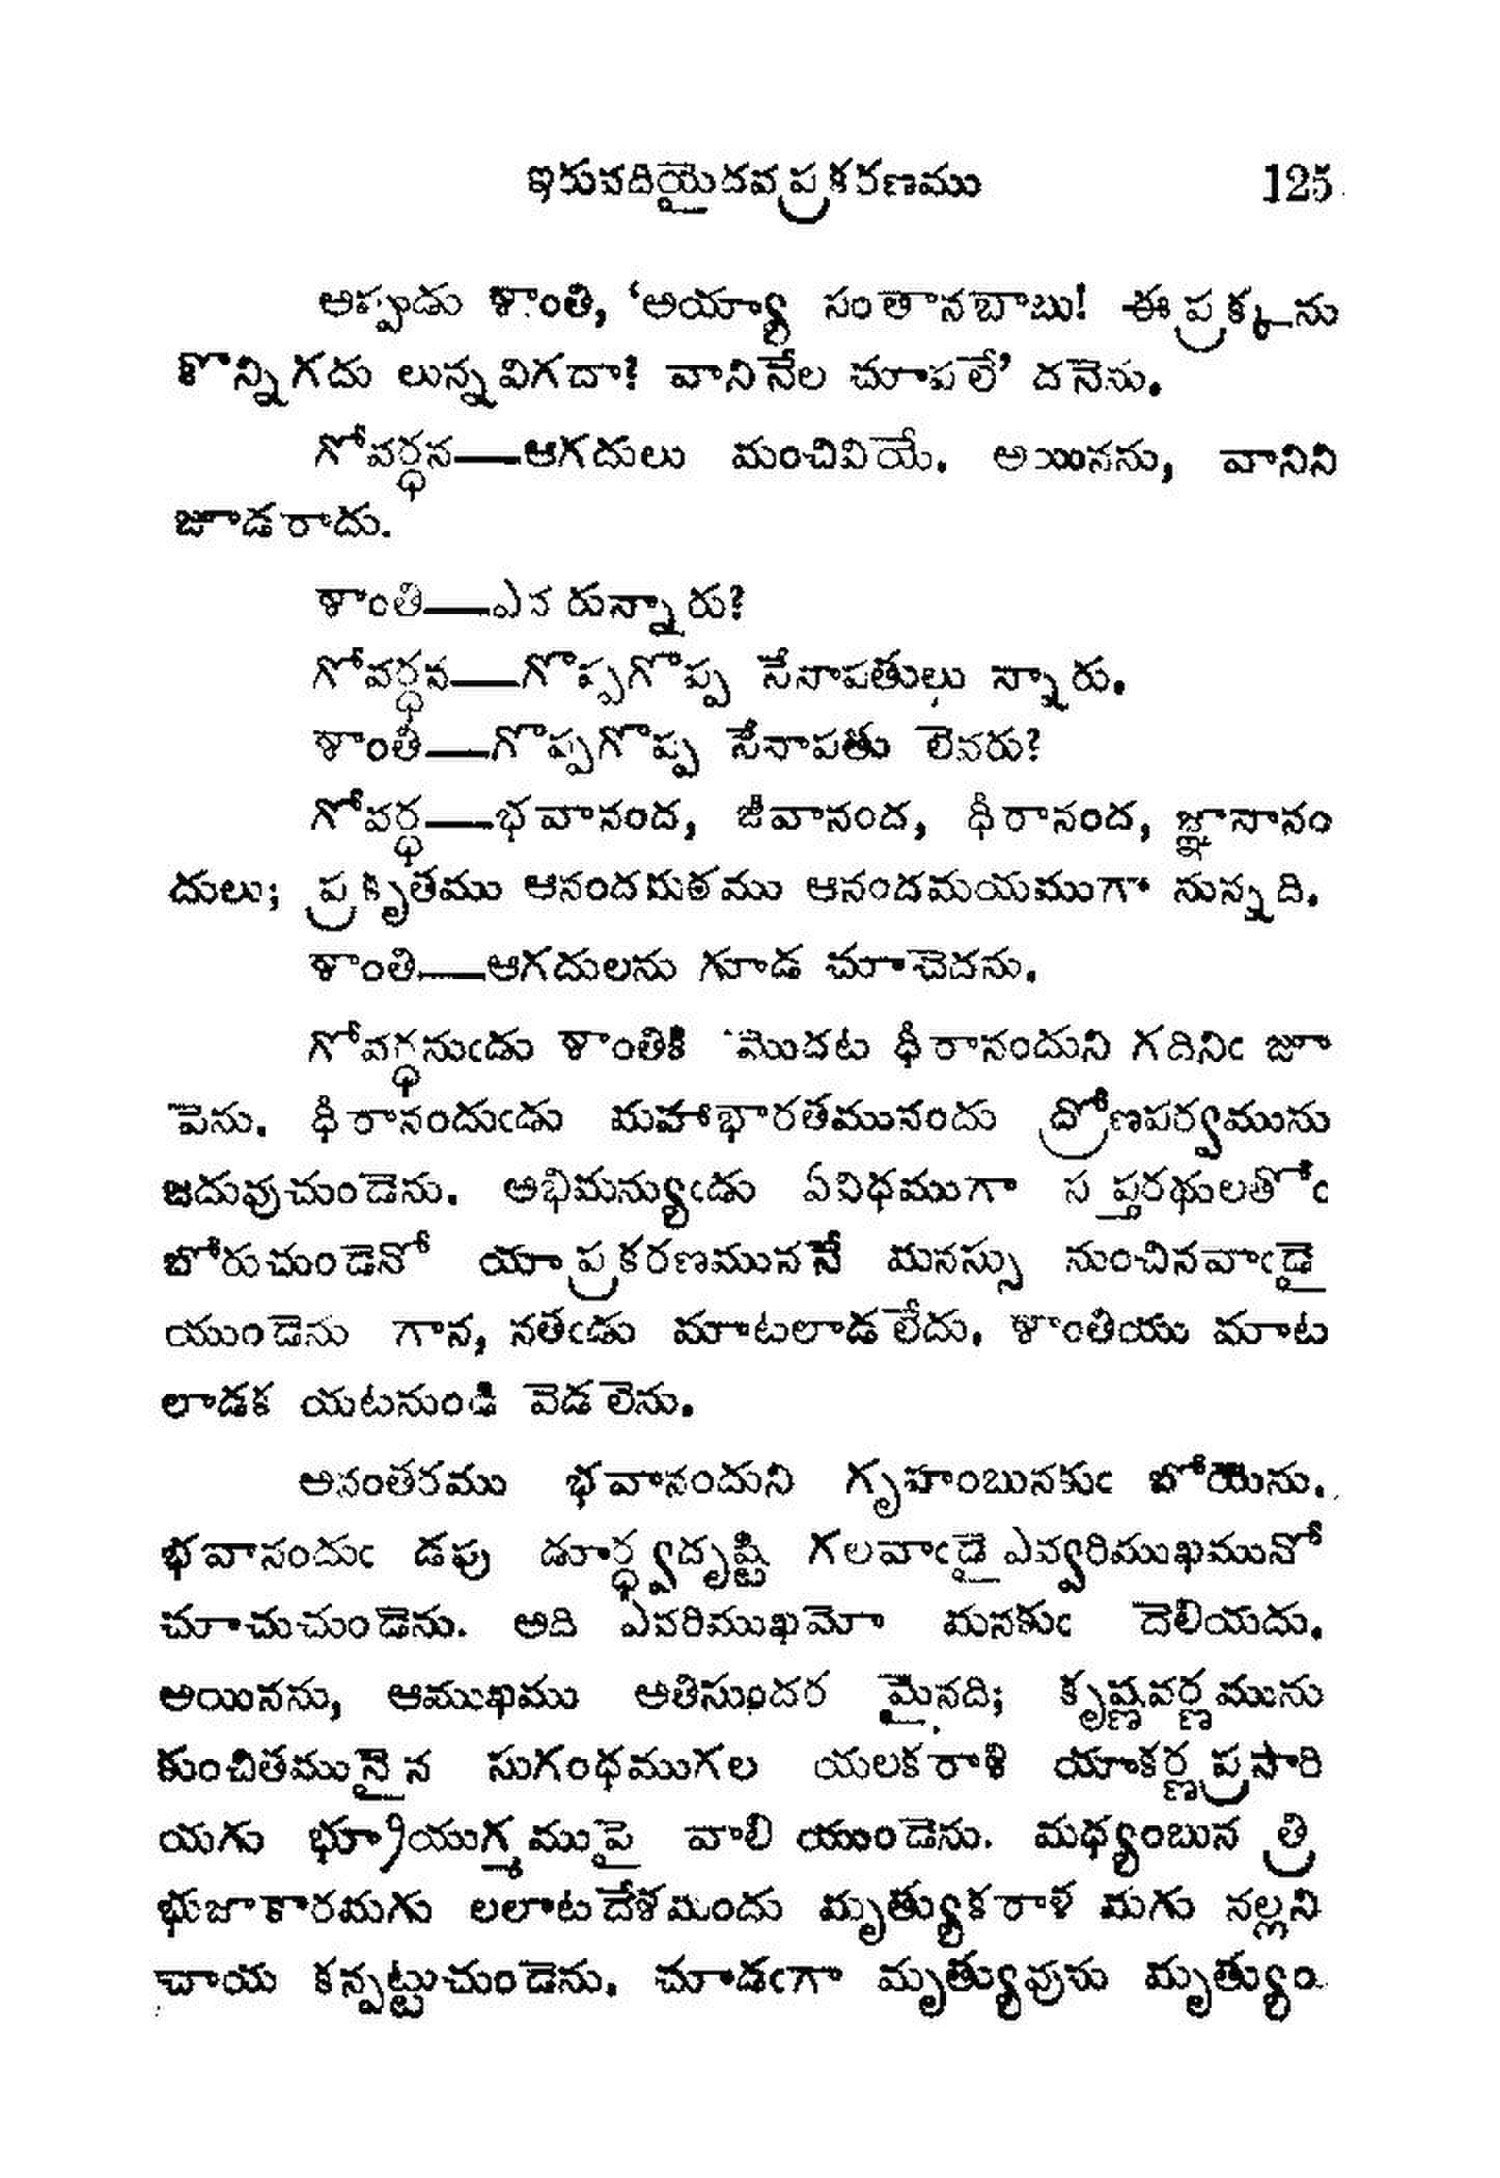అప్పుడు శాంతి, 'అయ్యా సంతాన బాబు! ఈ ప్రక్కను కొన్నిగదు లున్నవిగదా! వాని నేల చూపలే' దనెను.

గోవర్ధన—— ఆగదులు మంచివియే. అయినను, వానిని జూడరాదు.

శాంతి——ఎవరున్నారు?

గోవర్ధన——గొప్పగొప్ప సేనాపతులు న్నారు.

శాంతి—— గొప్పగొప్ప సేవాపతు లెవరు?

గోవర్ధ—— భవానంద, జీవానంద, ధీరానంద, జ్ఞానానందులు, ప్రకృతము ఆనందముఠము ఆనందమయముగా " నున్నది,

శాంతి——ఆగదులను గూడ చూచెదను.

గోవర్ధనుఁడు శాంతికి 'మొదట ధీరానందుని గదినిఁ జూపెను. ధీరానందుఁడు మహాభారతమునందు ద్రోణపర్వమును
జదువుచుండెను. అభిమన్యుఁడు ఏవిధముగా సప్తరథులతో బోరుచుండెనో యాప్రకరణముననే మనస్సు నుంచినవాఁడై
యుండెను గాన, నతఁడు మాటలాడ లేదు. శాంతియు మాట లాడక యటనుండి వెడలెను.

అనంతరము భవానందుని గృహంబునకుఁ బోయెను. భవానందుఁ డపు డూర్ధ్వదృష్టి గలవాఁడై ఎవ్వరిముఖమునో
చూచుచుండెను. అది ఎవరిముఖమో మనకుఁ దెలియదు, అయినను, ఆముఖము అతిసుందర మైనది; కృష్ణవర్ణమును
కుంచితమునైన సుగంధముగల యలక రాశి యాకర్ణ ప్రసారియగు భ్రూయుగ్మముపై వాలి యుండెను. మధ్యంబున త్రి
భుజాకారమగు లలాట దేశ మందు మృత్యుకరాళ మగు నల్లనిచాయ కన్పట్టుచుండెను, చూడఁగా మృత్యువును మృత్యుం.